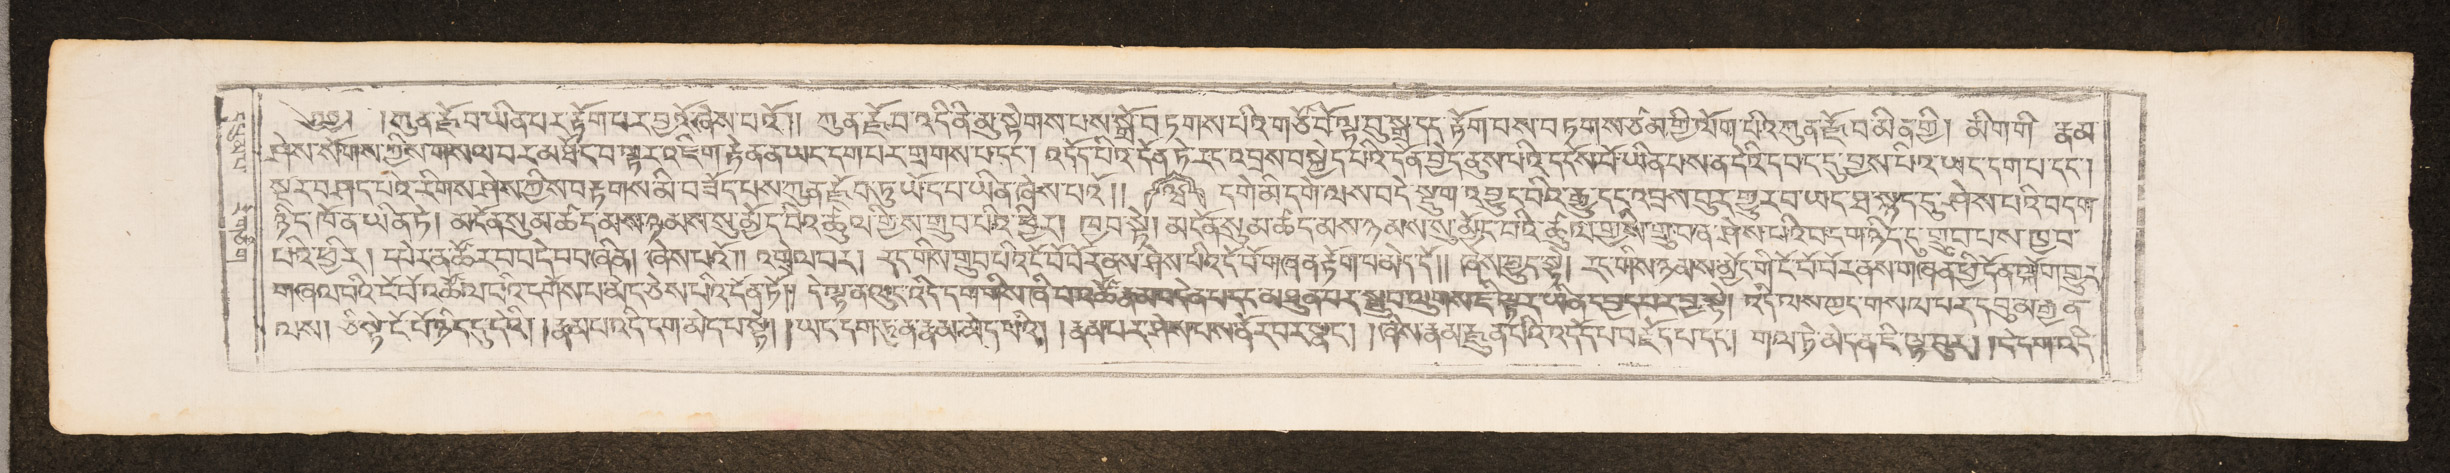༄༅། །ཀུན་རྫོབ་ཡིན་པར་རྟོག་པར་བྱའོ་ཞེས་པའོ། །ཀུན་རྫོབ་འདི་ནི་མུ་སྟེགས་པས་སྒྲོ་བཏགས་པའི་གཙོ་བོ་ལྟ་བུ་སྒྲ་དང་རྟོག་པས་བཏགས་ཙམ་གྱི་ལོག་པའི་ཀུན་རྫོབ་མིན་གྱི། མིག་གི་རྣམ་
ཤེས་སོགས་ཀྱིས་གསལ་བར་མཐོང་བ་ལྟར་འཇིག་རྟེན་ན་ཡང་དག་པར་གྲགས་པ་དང་། འདོད་པའི་དོན་ཏེ་རང་འབྲས་བསྐྱེད་པའི་དོན་བྱེད་ནུས་པའི་དངོས་པོ་ཡིན་པས་ན་དེའི་དབང་དུ་བྱས་པའི་ཡང་དག་པ་དང་།
སྔར་བཤད་པའི་རིགས་ཤེས་ཀྱིས་བརྟགས་མི་བཟོད་པས་ཀུན་རྫོབ་ཏུ་ཡོད་པ་ཡིན་ཞེས་པའོ། ། ༼༽ཝ༼༽དགེ་མི་དགེ་ལས་བདེ་སྡུག་འབྱུང་བའི་རྒྱུ་དང་འབྲས་བུར་གྱུར་བ་ཡང་ཐ་སྙད་དུ་ཤེས་པའི་བདག་
ཉིད་ཁོ་ན་ཡིན་ཏེ། མདོན་སུམ་ཚད་མས་ཉམས་སུ་མྱོང་བའི་ཚུལ་གྱིས་གྲུབ་པའི་ཕྱིར། ཁྱབ་སྟེ། མངོན་སུམ་ཚད་མས་ཉམས་སུ་མྱོང་བའི་ཚུལ་གྱིས་གྲུབ་ན་ཤེས་པའི་བདག་ཉིད་དུ་གྲུབ་པས་ཁྱབ་
པའི་ཕྱིར། དཔེར་ན་ཚོར་བ་བདེ་བ་བཞིན། ཞེས་པའོ། །འགྲེལ་བར། རང་གིས་གྲུབ་པའི་ངོ་བོ་བོར་ནས་ཤེས་པའི་ངོ་བོ་གཞན་རྟོག་པ་མེད་དོ། །ཞེས་བྱུང་སྟེ། རང་གིས་ཉམས་མྱོང་གི་ངོ་བོ་བོར་ནས་གཞན་ཕྱི་དོན་ལྐོག་གྱུར་
གཞལ་བའི་ངོ་བོ་འཚོལ་བའི་དགོས་པ་མེད་ཅེས་པའི་དོན་ཏོ། །དེ་ལྟ་ན་ལུང་འདི་དག་གིས་ཞི་པ་འཚོ་རྣམ་བདེན་པ་དང་མཐུན་པར་སྒྲུབ་ལུགས་ཇི་ལྟར་ཡིན་དཔྱད་པར་བྱ་སྟེ། འདི་ལས་ཀྱང་གསལ་བར་དབུ་མ་རྒྱན་
ལས། ཅི་སྟེ་ངོ་བོ་ཉིད་དུ་དེའི། །རྣམ་པ་འདི་དག་མེད་པ་སྟེ། །ཡང་དག་ཏུ་ན་རྣམ་མེད་པའི། །རྣམ་པར་ཤེས་པས་ནོར་བར་སྣང་། །ཞེས་རྣམ་རྫུན་པའི་འདོད་པ་བརྗོད་པ་དང་། གལ་ཏེ་མེད་ན་ཇི་ལྟ་བུར། །དེ་དག་འདི་